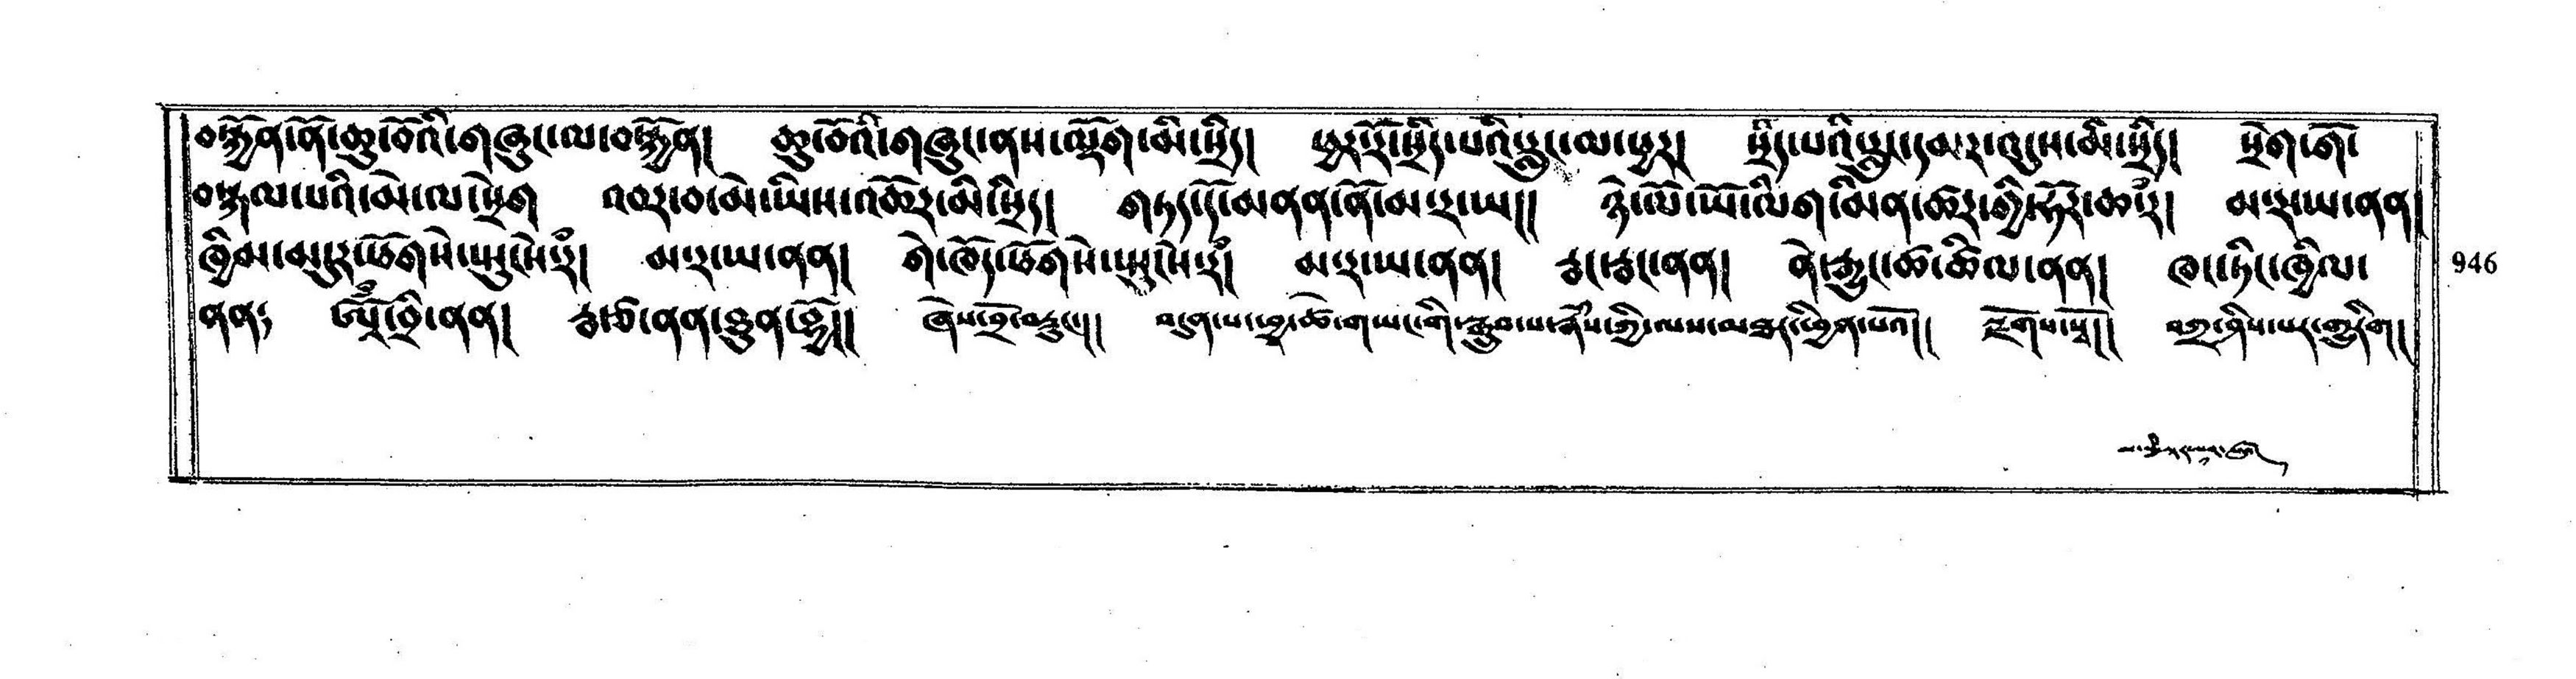བསྐྱོན་ནོ་ཆུ་བོའི་གཞུང་ལ་བསྐྱོན། ཆུ་བོའི་གཞུང་ནས་ལྡོག་མི་སྲིད། ཕྱར་རོ་སྲིད་པའི་རླུང་ལ་ཕྱར། སྲིད་པའི་རླུང་དམར་འདུས་མི་སྲིད། སྲེག་གོ་
བསྐལ་པའི་མེ་ལ་སྲེག འབར་བ་མེ་ཡིས་འཆོར་མི་སྲིད། གཏད་དོ་མནན་ནོ་མ་ར་ཡ།། ཉེ་ལོ་ཡོ་ལིག་མིན་ཚར་གྱི་ཧོར་ཆ་རཾ། མ་ར་ཡ་ནན་
ཁྱིམ་མདུར་ཕོགསེ་སྤུངསེ་རཾ། མ་ར་ཡ་ནན། གེ་ཁོད་ཕོགསེ་སྤུངསེ་རཾ། མ་ར་ཡ་ནན། རྦང་རྦང་ནན། ནེ་རྒྱུང་ཚ་ཚིལ་ནན། ཁང་ཏིང་ཁྱིལ་
ནན། ཨཱོཾ་བྲི་ནན། རྦ་ཙ་ནན་ཐུན་བྷྱོ།། ཞེས་བྲོ་བརྡུང་།། བདུན་པ་ཕྱྭ་ཚེ་གཡང་གི་སྒྲུབ་པ་རྣམས་ཀྱི་ལས་མཐར་ཕྱིན་པའོ།། རྫོགས་སྭོ།། བཀྲ་ཤིས་པར་གྱུར་ཅིག